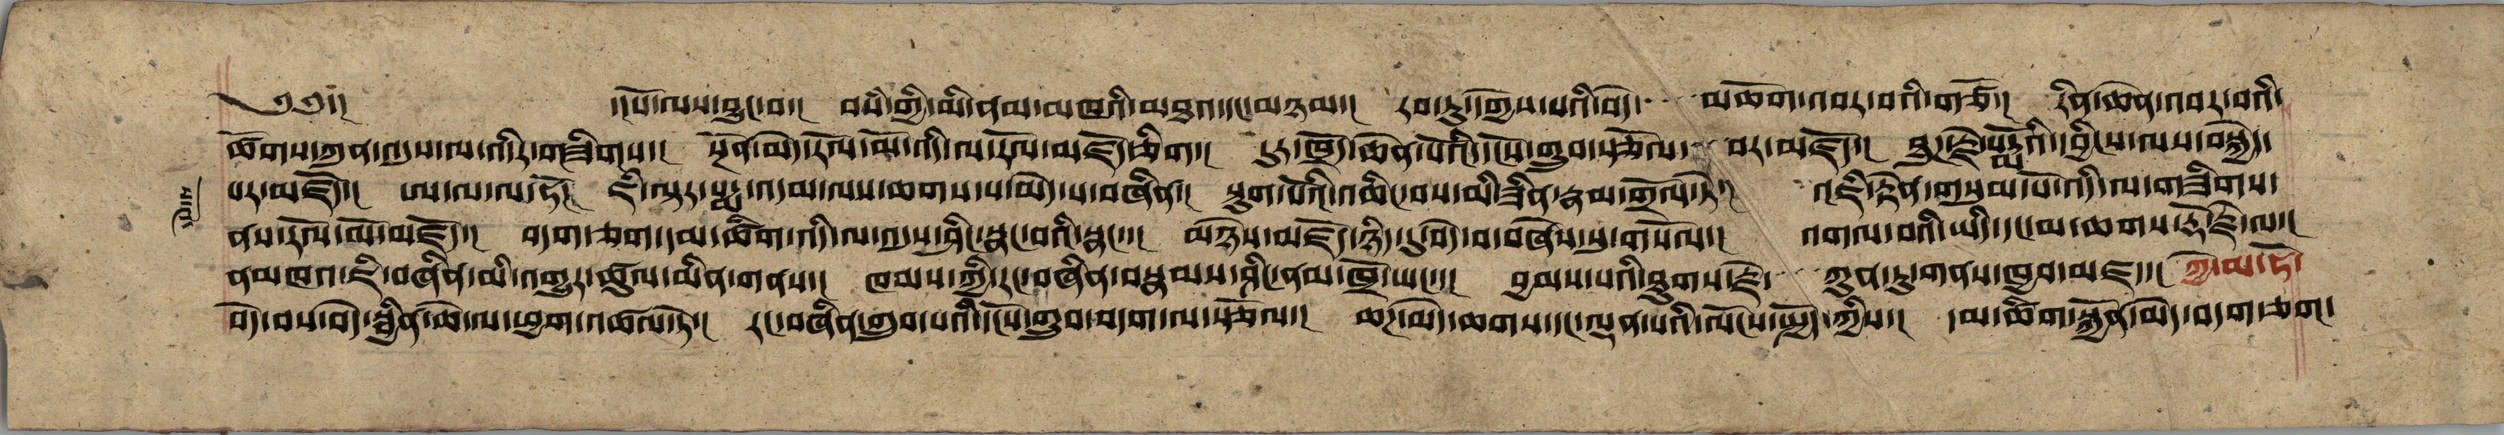༄༅་། ་།པོ་ལས་བྱུང་བ་། བསཾ་གྱི་མི་ནམ་མཁའི་མཐའ་དང་མཉམ་། རབ་ཏུ་དགྱེས་པའི་བདེ་ མཆོག་འབར་བའི་གཙོ་། རིན་ཆེན་འབར་བའི་
ཚོགས་ཀུན་འདུས་ལ་འདིར་གཟིགས་། སྔོན་མེད་རོལ་མོ་འདི་ལ་རོལ་མཛོད་ཅིག་། དུར་ཁྲོད་ཆེན་པོའི་དངོས་གྲུབ་སྩོལ་ བར་མཛོད་། ཐུཌ་རྗེ་པདྨོའི་དབྱིངས་ལས་བསྐྱེད་
པར་མཛོད་། ཨ་ལ་ལ་ཧོ། ཇི་ལྟར་པདྨ་འདམ་ལས་ཆགས་པ་མེད་པ་བཞིན་། སྡུག་པོའི་འཆིང་བས་མི་ཟིན་རྣམ་གྲོལ་ཏེ་། འཇི་རྟེན་གསུམ་པོ་འདི་ལ་གཟིགས་
ནས་རོལ་མོ་མཛོད་། བདག་ཅག་དམ་ཚིག་འདི་ལ་འདུས་ཤིང་སྣང་བའི་སྣང་་། མཉེས་མཛོད་ཉིད་དུ་བདེ་བ་བཞེས་སུ་གསོལ་། འགལ་བའི་ཡིད་དང་མ་ཆགས་རྡོ་རྗེ་ལ་།
ནམཁའ་ཇི་བཞིན་མི་འགྱུར་ཚུལ་མིན་གནས་། ཁམས་ཀྱི་རང་བཞིན་བསྣམས་ཤིང་ནམ་ཁྲོ་ཡང་་། བྱམས་པའི་ཐུགས་རྗེ་ ཀུན་ཏུ་གནས་ཁྱབ་མཛད་། ཀྱེ་མ་ཧོ་
བདེ་བས་བདེ་སྦྱིན་ཆེ་ལ་ཕྱག་འཚལ་ཏེ་། རང་བཞིན་གྲུབ་པའི་དངོས་གྲུབ་བདག་ལ་སྩོལ་། ཆཌ་མེད་ཆགས་དང་ལྡན་པའི་ལོངས་སྤྱོད་ཀྱིས་། དམ་ཚིག་སྐྱོན་མེད་བདག་ཅག་